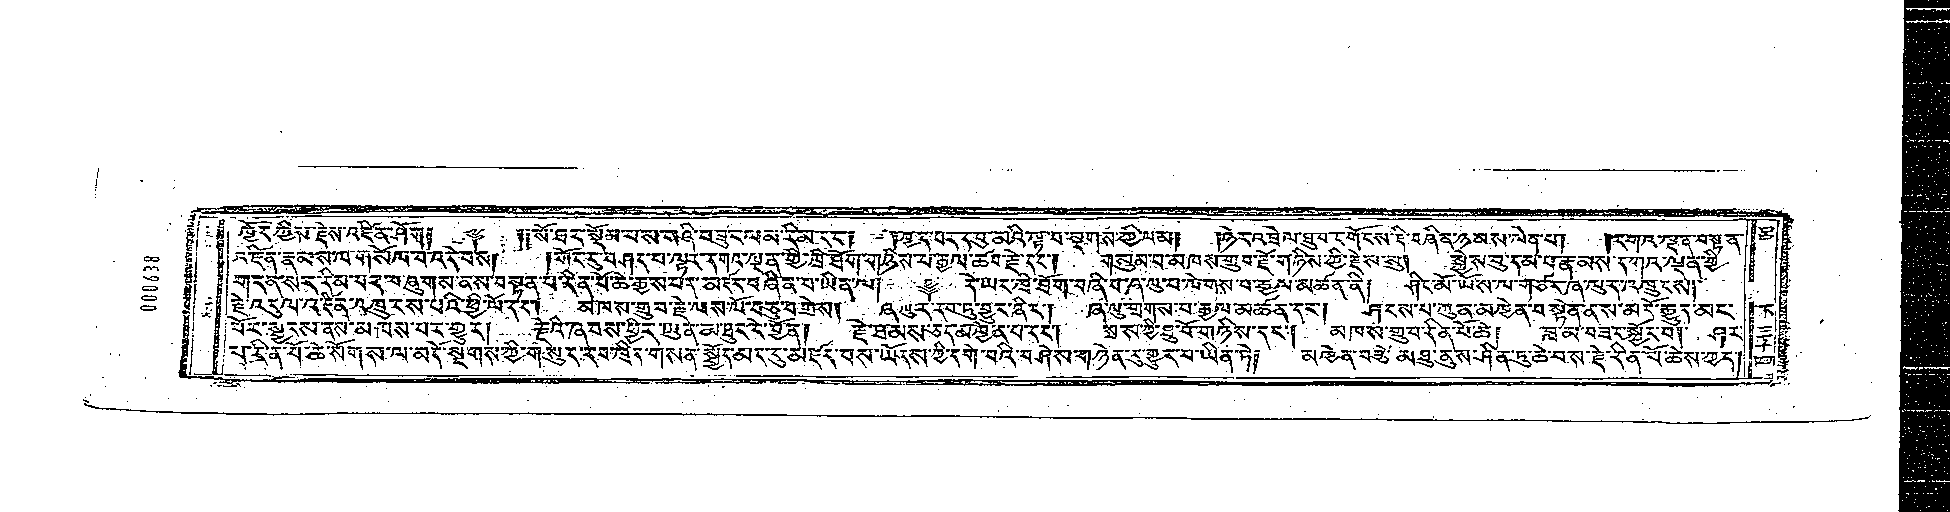ཁྱོད་ཀྱིས་རྗེས་འཛིན་ཤོག། ༈ །།སོ་ཐར་སྡོམ་པས་གཞི་བཟུང་ལམ་རིམ་དང་། །ཁྱད་པར་དབུ་མའི་ལྟ་བ་སྔགས་ཀྱི་ལམ། །ཉེར་འབྲེལ་ཐུབ་དགོངས་ཇི་བཞིན་ཉམས་ལེན་པ། །དགའ་ལྡན་བསྟན་
འཛིན་རྣམས་ལ་གསོལ་བ་འདེབས། །གོང་དུ་བཤད་པ་ལྟར་དགའ་ལྡན་གྱི་ཁྲི་ཐོག་གཉིས་པ་རྒྱལ་ཚབ་རྗེ་དང་། གསུམ་པ་མཁས་གྲུབ་རྗོ་གཉིས་ཀྱི་རྗེས་སུ། སྐྱེས་བུ་དམ་པ་རྣམས་དགའ་ལྡན་གྱི་
གདན་སར་རིམ་པར་བཞུགས་ནས་བསྟན་པ་རིན་པོ་ཆེ་རྒྱས་པར་མཛད་བཞིན་པ་ཡིན་ལ། ༈ དེ་ཡང་ཁྲི་ཐོག་བཞི་པ་ཞ་ལུ་པ་ལེགས་པ་རྒྱལ་མཚན་ནི། ཤིང་མོ་ཡོས་ལ་གཙང་ཞ་ལུར་འཁྲུངས།
རྗེ་འདུལ་འཛིན་འཁྲུངས་པའི་ཕྱི་ལོ་དང་། མཁས་གྲུབ་རྗེ་ལས་ལོ་བཅུ་བགྲེས། ཞ་ལུར་རབ་ཏུ་བྱུང་ཞིང་། ཞ་ལུ་གྲགས་པ་རྒྱལ་མཚན་དང་། ཤངས་པ་ཀུན་མཁྱེན་བསྟེན་ནས་མདོ་རྒྱུད་མང་
པོར་སྦྱངས་ནས་མཁས་པར་གྱུར། རྗེའི་ཞབས་ཕྱིར་ཡུན་མ་ཐུང་དེ་བྱོན། རྗེ་ཐམས་ཅད་མཁྱེན་པ་དང་། སྲས་ཀྱི་ཐུབ་བོ་གཉིས་དང་། མཁས་གྲུབ་རིན་པོ་ཆེ། བླ་མ་བཟང་སྐྱོང་བ། ཤར་
པ་རིན་པོ་ཆེ་སོགས་ལ་མདོ་སྔགས་ཀྱི་གསུང་རབ་ཁྲིད་གསན་སྤྱོད་མང་དུ་མཛད་པས་ཡོངས་ཀྱི་དགེ་བའི་བཤེས་གཉེན་དུ་གྱུར་པ་ཡིན་ཏེ། མཁྱེན་བརྩེ་མཐུ་ནུས་ཤིན་ཏུ་ཆེ་བས་རྗེ་རིན་པོ་ཆེས་ཀྱང་།